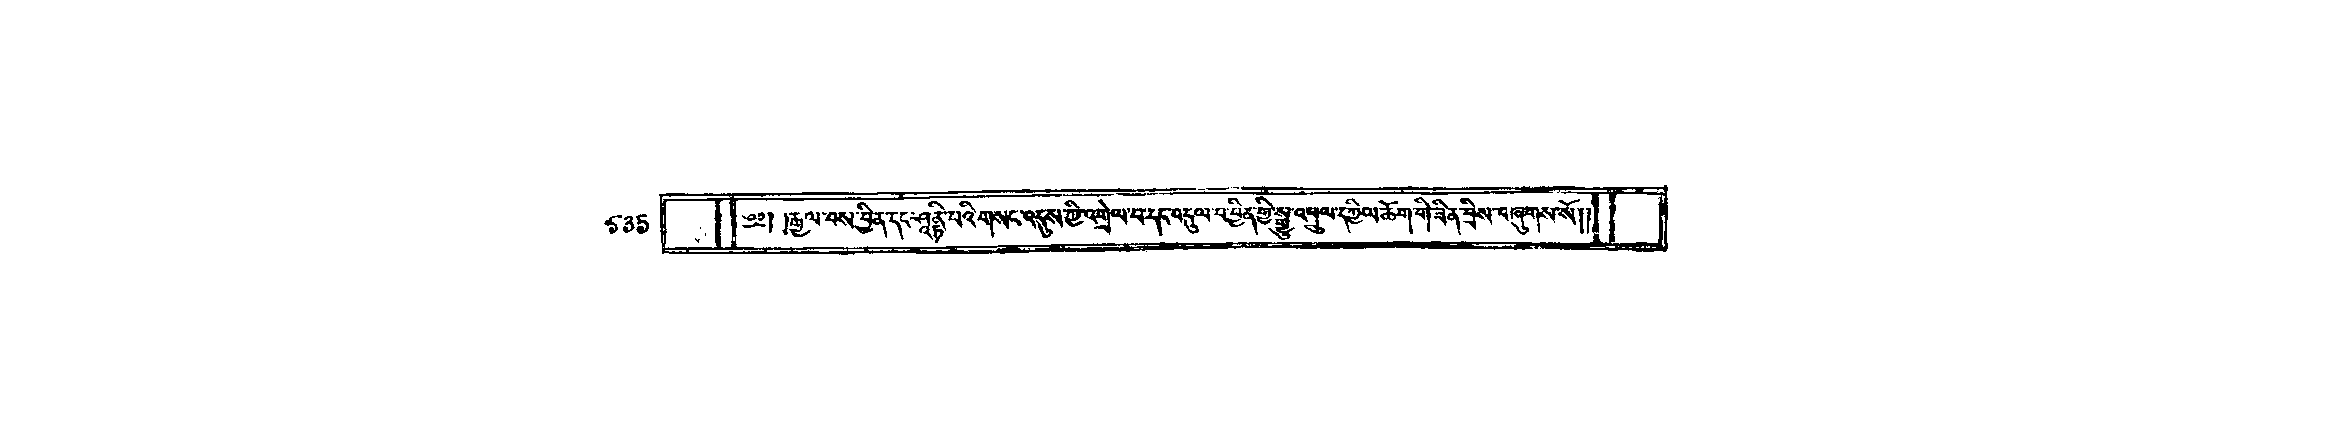༄༅། །རྒྱལ་བས་བྱིན་དང་ཤཱནྟི་པའི་གསང་འདུས་ཀྱི་འགྲེལ་པ་དང་འདུལ་བ་བྱིན་གྱི་སྒྱུ་འཕྲུལ་དཀྱིལ་ཆོག་གི་ཟིན་བྲིས་བཞུགས་སོ། །